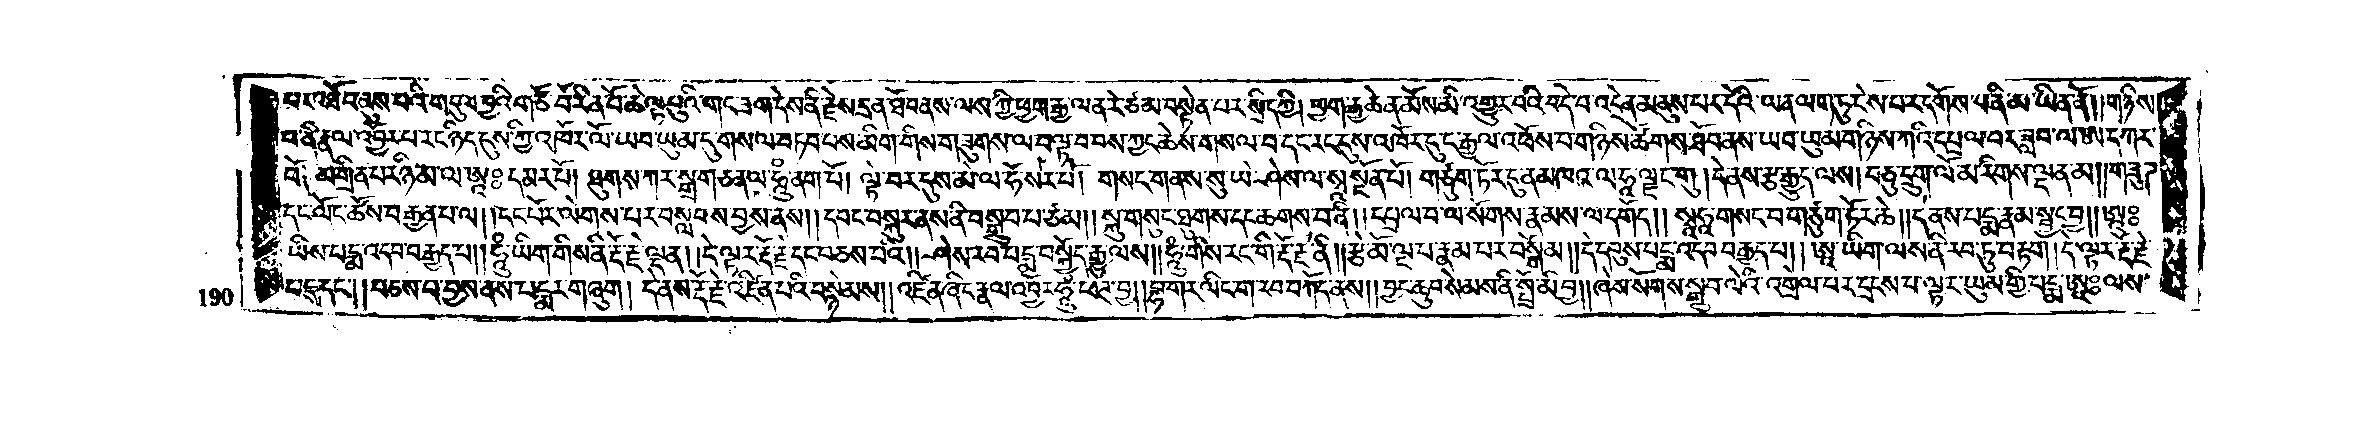པར་འཐོབ་ནུས་པའི་གདུལ་བྱའི་གཙོ་བོ་རིན་པོ་ཆེ་ལྟ་བུའི་གང་ཟག་དེས་ནི་རྗེས་དྲན་ཐོབ་ནས་ལས་ཀྱི་ཕྱག་རྒྱ་ལན་རེ་ཙམ་བསྟེན་པར་སྲིད་ཀྱི། ཕྱག་རྒྱ་ཆེན་མོས་མི་འགྱུར་བའི་བདེ་བ་འདྲེན་མ་ནུས་པར་དེའི་ཡན་ལག་ཏུ་ངེས་པར་དགོས་པ་ནི་མ་ཡིན་ནོ། །གཉིས་
པ་ནི་རྣལ་འབྱོར་པ་རང་ཉིད་དུས་ཀྱི་འཁོར་ལོ་ཡབ་ཡུམ་དུ་གསལ་བཏབ་པས་མིག་གིས་གཟུགས་ལ་བལྟ་བ་པས་ཀྱང་ཆེས་གསལ་བ་དང་རང་དུས་འཁོར་དུ་ང་རྒྱལ་འཕོས་པ་གཉིས་ཚོགས་ཐོབ་ནས་ཡབ་ཡུམ་གཉིས་ཀའི་དཔྲལ་བར་ཟླ་བ་ལ་ཨ་དཀར་
པོ། མགྲིན་པར་ཉི་མ་ལ་ཨཱཿ དམར་པོ། ཐུགས་ཀར་སྒྲ་གཅན་ལ་ཧཱུཾ་ནག་པོ། ལྟེ་བར་དུས་མེ་ལ་ཧོ་སེར་པོ། གསང་གནས་སུ་ཡེ་ཤེས་ལ་སྭཱ་སྔོན་པོ། གཙུག་ཏོར་དུ་ནམ་མཁའ་ལ་ཧཱ་ལྗང་གུ །དེ་ནས་རྩ་རྒྱུད་ལས། བཅུ་དྲུག་ལོ་མ་རིགས་ལྡན་མ། །གཟུགས་
དང་ལོང་ཚོས་བརྒྱན་པ་ལ། །དང་པོར་ལེགས་པར་བསླབས་བྱས་ནས། །དབང་བསྐུར་ནས་ནི་བསྒྲུབ་པ་ཙམ། །སྐུ་གསུང་ཐུགས་དང་ཆགས་པ་ནི། །དཔྲལ་བ་ལ་སོགས་རྣམས་ལ་དགོད། །སྭཱ་ཧཱ་གསང་བ་གཙུག་ཏོར་ཆེ། །དེ་ནས་པདམ་རྣམ་སྦྱང་བྱ། །ཨཱུཿ
ཡིས་པདམ་འདབ་བརྒྱད་པ། །ཧཱུཾ་ཡིག་གིས་ནི་རྡོ་རྗེ་ལྡན། །དེ་ལྟར་རྡོ་རྗེ་དང་བཅས་པའི། །ཤེས་རབ་པདམ་བསྐྱོད་རྒྱུ་ལས། །ཧཱུཾ་གྱིས་རང་གི་རྡོ་རྗེ་ནི། །རྩེ་མོ་ལྔ་པ་རྣམ་པར་བསྒོམ། །དེ་དབུས་པདམ་འདབ་བརྒྱད་པ། །ཨཱ་ཡིག་ལས་ནི་རབ་ཏུ་བརྟག །དེ་ལྟར་རྡོ་རྗེ་
བྫྲ་དང་། །བཅས་པ་བྱས་ནས་པདམར་གཞུག །དེ་ནས་རྡོ་རྗེ་འཛིན་པའི་བསྙེམས། །འཛིན་ཞིང་རྣལ་འབྱོར་ཧཱུཾ་ཕཊ་བྱ། །བྷ་གར་ལིང་ག་རབ་བཀོད་ནས། །བྱང་ཆུབ་སེམས་ནི་སྤྲོ་མི་བྱ། །ཞེས་སོགས་སྒྲུབ་ལེའི་འགྲེལ་པར་དྲངས་པ་ལྟར་ཡུམ་གྱི་པདམ་ཨཱཿ ལས་